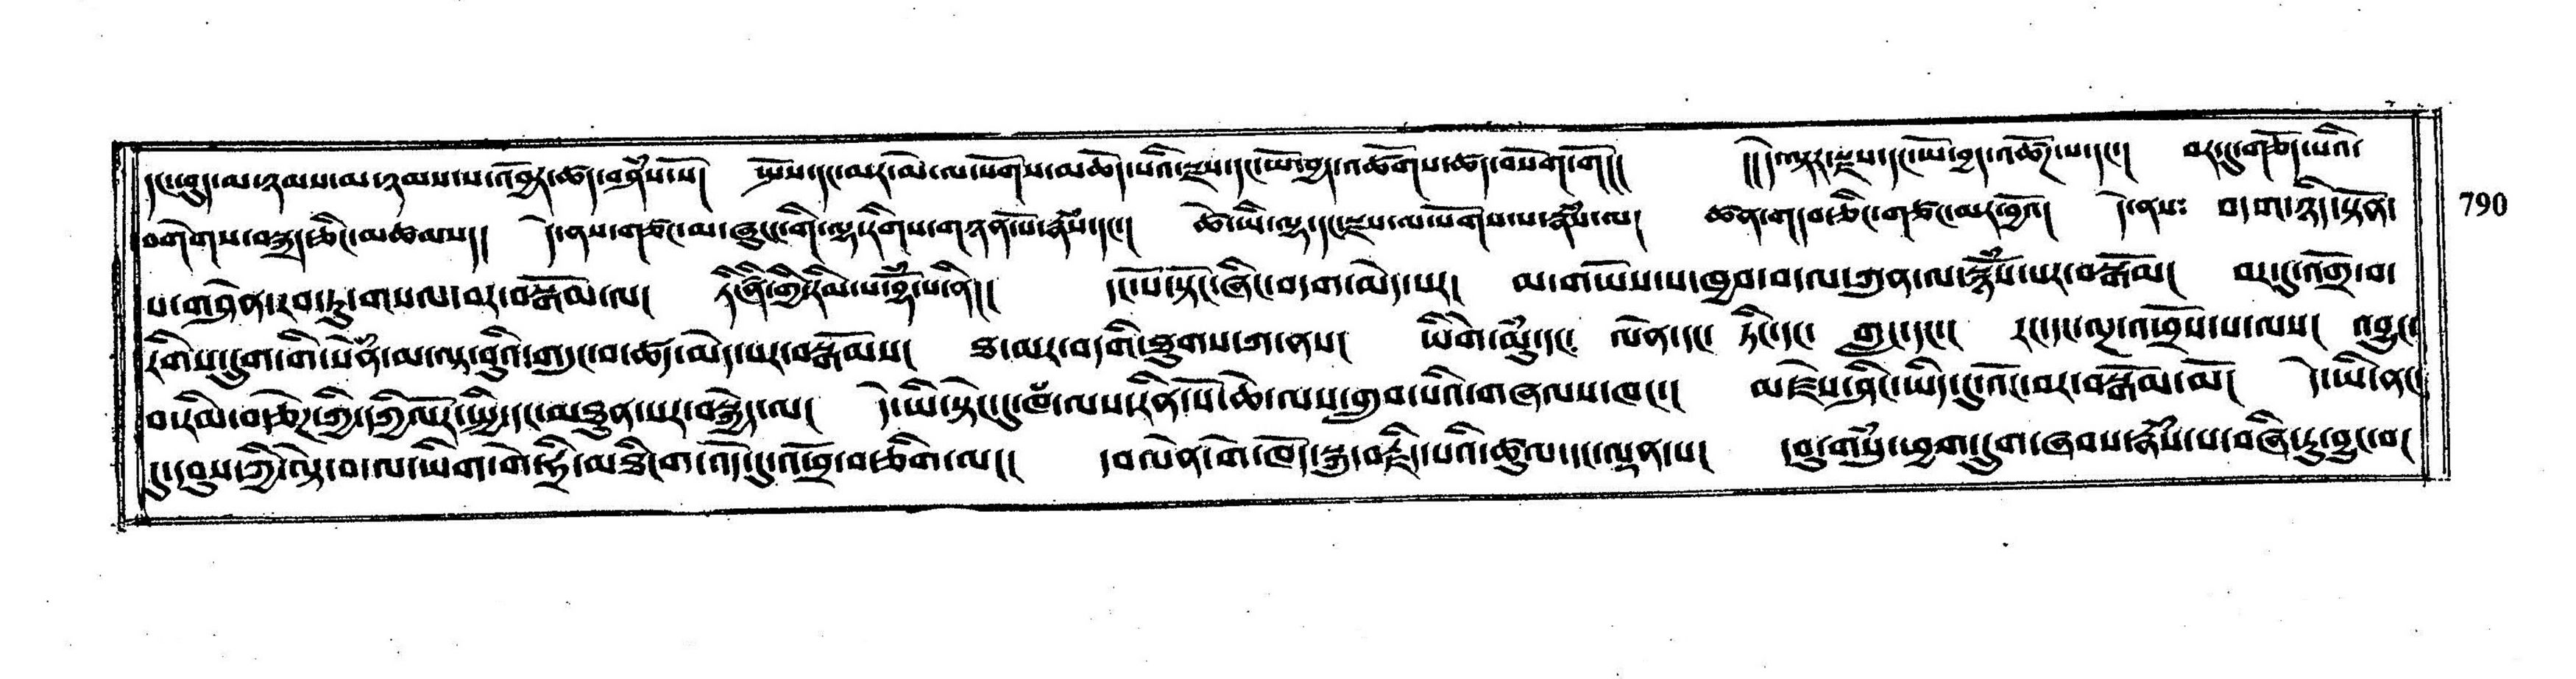དང་ཕུད་མ་ཉམས་པ་འབྱོར་ཚད་བཤམས་སོ། སྤོས་དང་མར་མེ་ལ་སོགས་མཆོད་པའི་རྫས་དང་ཡོ་བྱད་འཚོགས་ཚད་བསོག་གོ།། །།དེ་ལྟར་རྫས་དང་ཡོ་བྱད་འཚོགས་པ་དང་། བར་དུ་གཅོད་པའི་
བགེགས་བསྐྲད་ཅིང་མཚམས་བཅད། དེ་ནས་གཙང་མ་ཞང་ཞུང་གི་ལྷ་རིགས་གཉན་པོ་རྣམས་དང་། ཚེ་ཡི་ལྷ་དང་རྫས་ལ་སོགས་པ་རྣམས་ལ། ཚན་གདབ་ཅིང་གཙང་མར་བྱའོ། དེ་ནས་བདག་ཉིད་སྟོན་
པ་གཤེན་རབ་ཏུ་གསལ་བར་བསྒོམ་ལ། ཏིང་འཛིན་གྱི་རིམ་པ་བསྒོམ་༼བྷོཾ་༽པ་ནི།། དང་པོ་སྟོང་ཞིང་བདག་མེད་པར། མ་གཡོས་པ་ཁྱབ་བདལ་ཀུན་ལ་སྙོམས་པར་བསྒོམ། བར་དུ་འགྲོ་བ་
རིགས་དྲུག་གི་སེམས་ཅན་མ་ལྟ་བུའི་གདུང་བ་ཚད་མེད་པར་བསྒོམས། ཐ་མར་བདག་གི་ཐུགས་ཀ་ནས། ཡི་གེ་མུཾ་དང་ལེན་དང་ཏིང་དང་གླང་དང་རང་དང་ལྔ་འཕྲོས་པ་ལས། འབྱུང་
བ་རིམ་བརྩེགས་ཀྱི་དཀྱིལ་འཁོར་སྤྱི་དང་མཐུན་པར་བསྐྱེད་ལ། དེ་ཡི་སྟེང་དུ་ཁཾ་ལས་རིན་པོ་ཆེ་ལས་གྲུབ་པའི་གཞལ་ཡས་ཁང་། མཛེས་ཤིང་ཡིད་དུ་འོང་བར་བསྒོམ་མོ། དེ་ཡི་ནང་
དུ་དབུས་ཀྱི་ལྟེ་བ་ལ་ཡིག་གེ་ཧྲི་མཐིང་ནག་འོད་དུ་འཕྲོ་བ་ཅིག་ལ།། དབལ་ཆེན་གེ་ཁོད་སྐུ་བརྗིད་པའི་ཚུལ་དང་ལྡན་པ། དབུ་གསུམ་ཕྱག་དྲུག་ཞབས་རྣམ་པ་བཞི་རུ་བྱུང་བ།